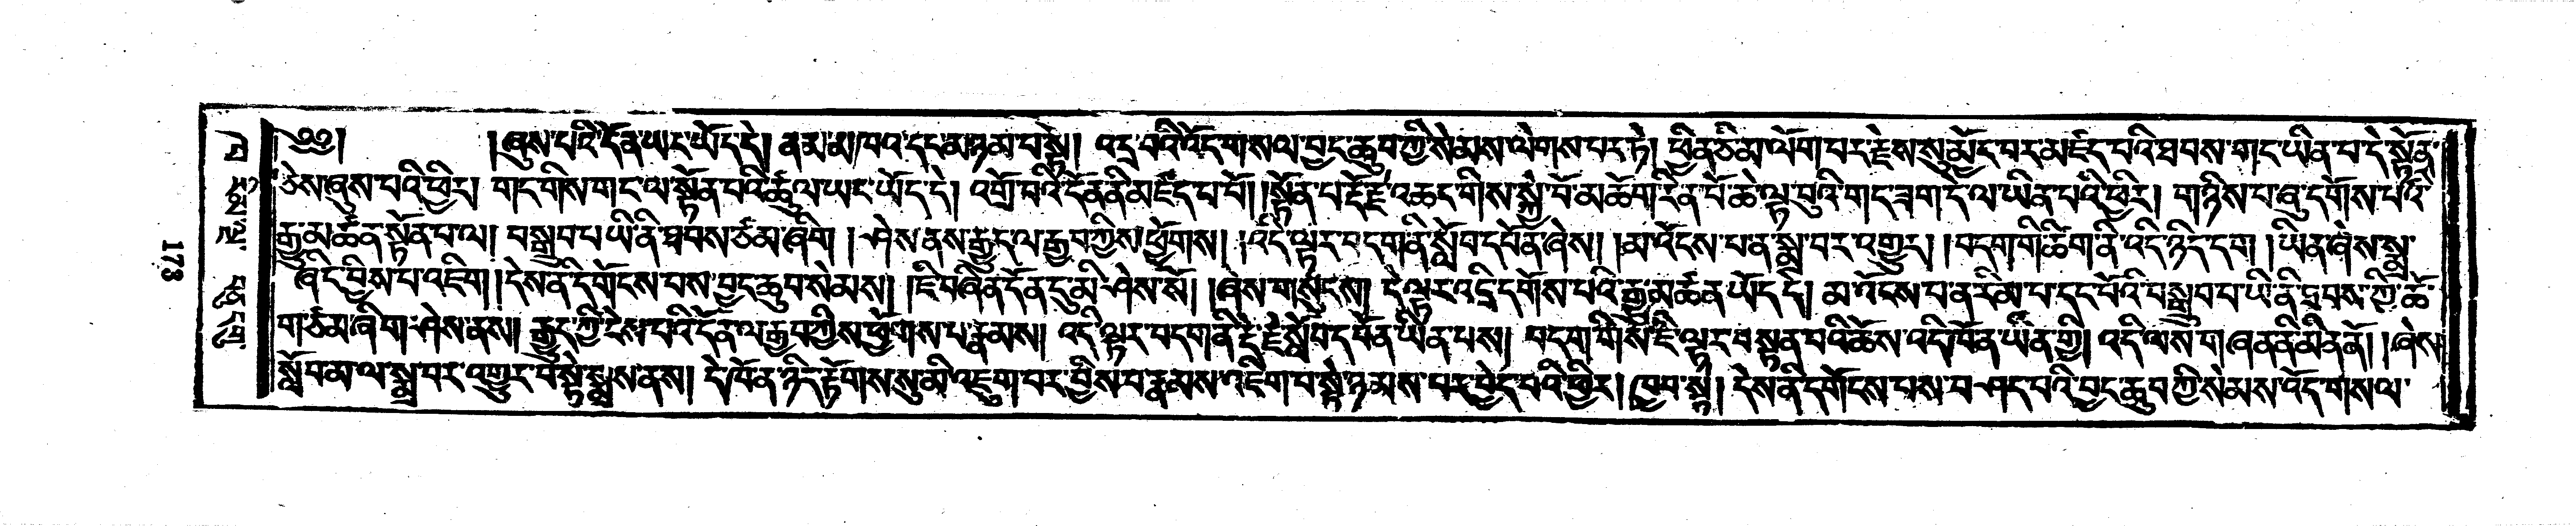༄༅། །ཞུས་པའི་དོན་ཡང་ཡོད་དེ། ནམ་མཁའ་དང་མཉམ་པ་སྟེ། འདྲ་བའི་འོད་གསལ་བྱང་ཆུབ་ཀྱི་སེམས་ལེགས་པར་ཏེ། ཕྱིན་ཅི་མ་ལོག་པར་རྗེས་སུ་མྱོང་བར་མཛད་པའི་ཐབས་གང་ཡིན་པ་དེ་སྟོན་
ཅེས་ཞུས་པའི་ཕྱིར། གང་གིས་གང་ལ་སྟོན་པའི་ཚུལ་ཡང་ཡོད་དེ། འགྲོ་བའི་དོན་ནི་མཛད་པ་པོ། །སྟོན་པ་རྡོ་རྗེ་འཆང་གིས་སྐྱེ་བོ་མཆོག་རིན་པོ་ཆེ་ལྟ་བུའི་གང་ཟག་དེ་ལ་ཡིན་པའི་ཕྱིར། གཉིས་པ་ཞུ་དགོས་པའི་
རྒྱུ་མཚན་སྟོན་པ་ལ། བསྒྲུབ་པ་ཡི་ནི་ཐབས་ཙམ་ཞིག །ཤེས་ནས་རྒྱུད་ལ་རྒྱབ་ཀྱིས་ཕྱོགས། །འདི་ལྟར་བདག་ནི་སློབ་དཔོན་ཞེས། །མ་འོངས་པ་ན་སྨྲ་བར་འགྱུར། །བདག་གི་ཚིག་ནི་འདི་ཉིད་དག །ཡིན་ཞེས་སྨྲ་
ཞིང་བྱིས་པ་འཇིག །དེས་ནི་དགོངས་པས་བྱང་ཆུབ་སེམས། །ཇི་བཞིན་དོན་དུ་མི་ཤེས་སོ། །ཞེས་གསུངས། དེ་ལྟར་འདྲི་དགོས་པའི་རྒྱུ་མཚན་ཡོད་དེ། མ་འོངས་པ་ན་རིམ་པ་དང་པོའི་བསྒྲུབ་པ་ཡི་ནི་ཐབས་ཀྱི་ཆོ་
ག་ཙམ་ཞིག་ཤེས་ནས། རྒྱུད་ཀྱི་ངེས་པའི་དོན་ལ་རྒྱབ་ཀྱིས་ཕྱོགས་པ་རྣམས། འདི་ལྟར་བདག་ནི་རྡོ་རྗེ་སློབ་དཔོན་ཡིན་པས། བདག་གིས་ཇི་ལྟར་བསྟན་པའི་ཆོས་འདི་ཁོ་ན་ཡིན་གྱི། འདི་ལས་གཞན་ནི་མིན་ནོ། །ཞེས་
སློབ་མ་ལ་སྨྲ་བར་འགྱུར་བ་སྟེ་སྨྲས་ནས། དེ་ཁོ་ན་ཉིད་རྟོགས་སུ་མི་འཇུག་པར་བྱིས་པ་རྣམས་འཇིག་པ་སྟེ་ཉམས་པར་བྱེད་པའི་ཕྱིར། ཁྱབ་སྟེ། དེས་ནི་དགོངས་པས་བཤད་པའི་བྱང་ཆུབ་ཀྱི་སེམས་འོད་གསལ་